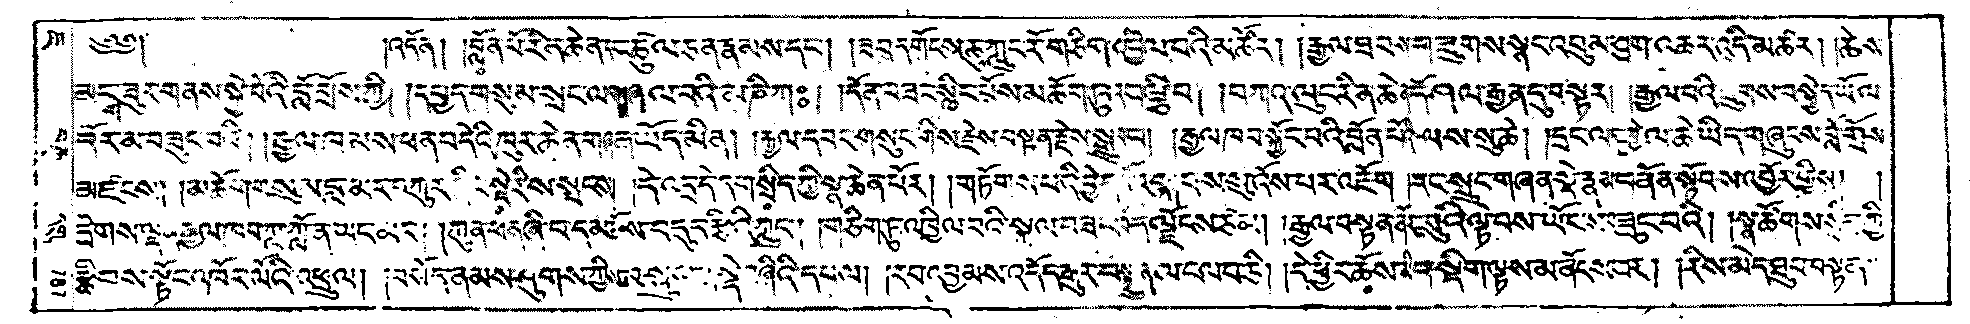༄༅། །འདོན། །བློན྾་པོ་རིན་ཆེན་ངང་ཚུལ་ཅན་རྣམས་དང་། །ཟབ་དགོངས་ཆུ་ཀླུང་རོ་གཅིག་འཁྱིལ་བའི་མཚོར། །རྒྱལ་ཐབས་གཟུགས་སྣང་འབུམ་ཕྲག་འཆར་འདི་མཚར། །ཆེས་
མང་ག་ཟུར་གནས་སྐྱེ་བོའི་བློ་གྲོས་ཀྱི། །དཔྱད་གསུམ་སྲང་ལ་གཞལ་བའི་མ་ཎི་ཀཿ། །དོན་བཟང་སྙིང་པོས་མཆོག་ཏུ་རབ་ལྕི་བ། །བཀའ་ལུང་རིན་ཆེན་དོ་ཤལ་རྒྱན་དུ་བསྟར། །རྒྱལ་བའི་ཐུགས་བསྐྱེད་ཡོལ་
གོར་མ་བཟུང་བའི། །རྒྱལ་ཁམས་ཕན་བདེའི་ཁུར་ཆེན་གཞན་ཡོད་མིན། །རྒྱལ་དབང་གསུང་གིས་རྗེས་བསྟན་རྗེས་སྒྲུབ་པ། །རྒྱལ་ཁབ་སྐྱོང་བའི་བློན་པོའི་ལས་སུ་ཆེ། །དྲང་ལ་དཀྱེལ་ཆེ་ཡིད་གཞུངས་བློ་གྲོས་
མཛངས། །མཆོག་གསུམ་བླ་མར་བཀུར་ཞིང་སྡེ྾་རིས་སྤངས། །དེ་འདྲ་དེ་དག་སྲིད྾་ཀྱི་སྣ་ཆེན་པོར། །གཏོགས་པའི་བྱེད་པོར་སྐབས་སུ་འོས་པར་འཇོག །རང་སྲུང་གཞན་སྡེ་རྣམ་གནོན་སྟོབས་འབྱོར་གྱིས། །
དྲེགས་ལྡན་རྒྱལ་ཁབ་ཀླ་ཀློ་ན་ཡང་མང་། །ཀུན་ཕན་ཞི་བ་དམ་ཆོས་བདུད་རྩིའི་ཀླུང་། །གཅིག་ཏུ་འཁྱིལ་བའི་སྐལ་བཟང་བོད་ལྗོངས་ཙམ། །རྒྱལ་བསྟན་ནོར་བུའི་ལྟེ་བས་ཡོངས་བཟུང་བའི། །སྣ་ཚོགས་སྲིད་ཀྱི་
རྩིབས་སྟོང་འཁོར་ལོའི་འཕྲུལ། །བསོད་ནམས་ཤུགས་ཀྱིས་བསྐུལ་ན་སྡེ་བཞིའི་དཔལ། །རབ་འབྱམས་འདོད་རྒུར་བསྐྲུན་ལ་ངལ་བ་ཅི། །དེ་ཕྱིར་ཆོས྾་མིག་སྡིག་ལྟས་མ་ནོངས་པར། །རིས་མེད་ཐུབ་བསྟན་